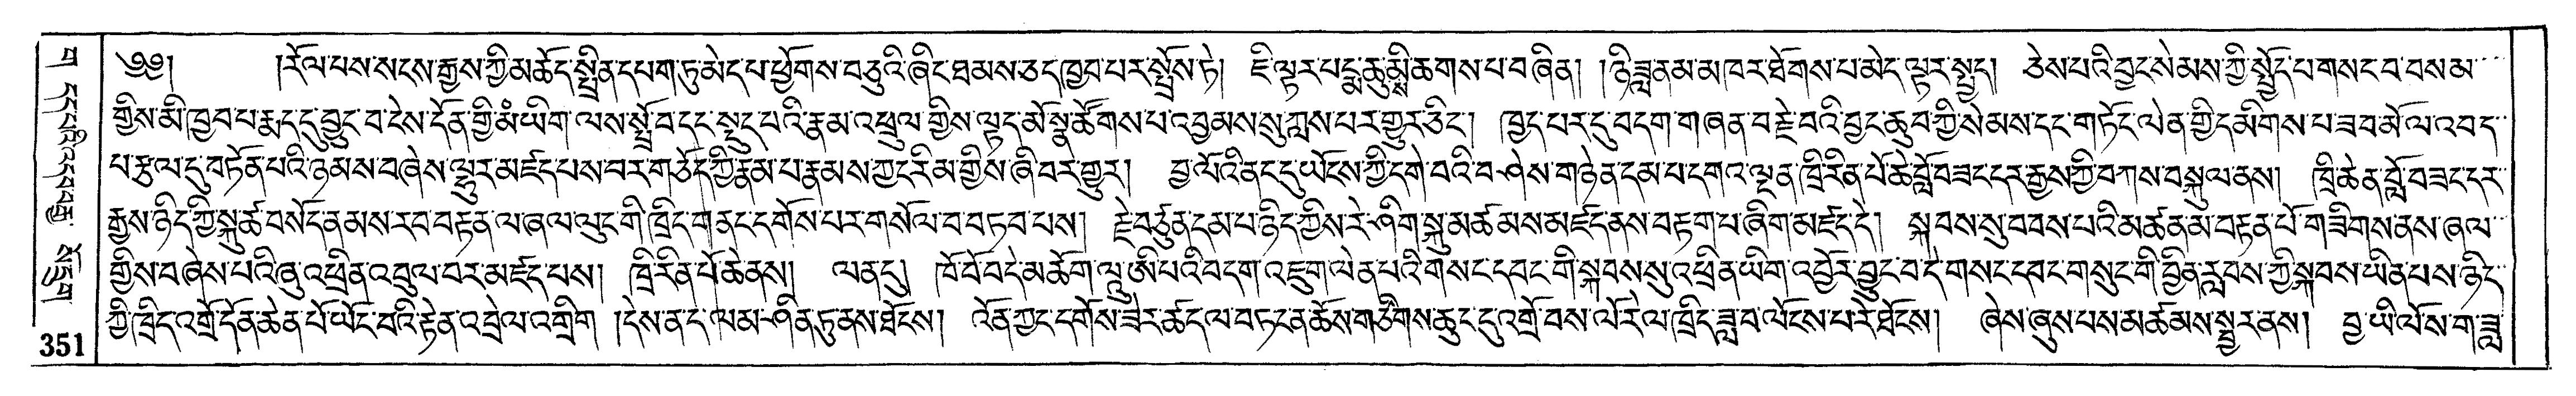༄༅། །རོལ་པས་སངས་རྒྱས་ཀྱི་མཆོད་སྤྲིན་དཔག་ཏུ་མེད་པ་ཕྱོགས་བཅུའི་ཞིང་ཐམས་ཅད་ཁྱབ་པར་སྤྲོས་ཏེ། ཇི་ལྟར་པདམ་ཆུ་མིས་ཆགས་པ་བཞིན། །ཉི་ཟླ་ནམ་མཁར་ཐོགས་པ་མེད་ལྟར་སྤྱད། ཅེས་པའི་བྱང་སེམས་ཀྱི་སྤྱོད་པ་གསང་བ་བསམ་
གྱིས་མི་ཁྱབ་པ་རྨད་དུ་བྱུང་བ་ངེས་དོན་གྱི་མཾ་ཡིག་ལས་སྤྲོ་པ་དང་སྡུད་པའི་རྣམ་འཕྲུལ་གྱིས་ལྟད་མོ་སྣ་ཚོགས་པ་འབྱམས་སུ་ཀླས་པར་གྱུར་ཅིང་། ཁྱད་པར་དུ་བདག་གཞན་བརྗེ་བའི་བྱང་ཆུབ་ཀྱི་སེམས་དང་གཏོད་ལེན་གྱི་དམིགས་བ་ཟབ་མོ་ལ་འབད་
པ་རྩལ་དུ་བཏོན་པའི་ཉམས་བཞེས་ལྷུར་མཛད་པས་པར་གཅོད་ཀྱི་རྣམས་ཀྱང་རིམ་གྱིས་ཞི་བར་གྱུར། བྱ་ལོའི་ནང་དུ་ཡོངས་ཀྱི་དགེ་པའི་བཤེས་གཉེན་དམ་བ་དགའ་ལྡན་ཁྲི་རིན་པོ་ཆེ་བློ་བཟང་དར་རྒྱས་ཀྱི་བཀས་བསྐུལ་ནས། ཁྲི་ཆེན་བློ་བཟང་དར་
རྒྱས་ཉིད་ཀྱི་སྐུ་ཚ་བསོད་ནམས་རབ་བརྟན་ལ་ཞལ་ལུང་གི་ཁྲིད་གནང་དགོས་པར་གསོལ་བ་བཏབ་པས། རྗེ་བཙུན་དམ་པ་ཉིད་ཀྱིས་རེ་ཤིག་སྐུ་མཚམས་མཛད་ནས་བརྟག་པ་ཞིག་མཛད་དེ། སྐབས་སུ་བབས་པའི་མཚན་མ་བརྟན་པོ་གཟིགས་ནས་ཞལ་
གྱིས་བཞེས་པའི་ཞུ་འཕྲིན་འབུལ་བར་མཛད་པས། ཁྲི་རིན་པོ་ཆེ་ནས། ལན་དུ། ཁོ་བོ་བདེ་མཆོག་ལཱུ་ཨི་བའི་བདག་འཇུག་ལེན་པའི་གསང་དབང་གི་སྐབས་སུ་འཕྲིན་ཡིག་འབྱོར་བྱུང་བ་དེ་གསང་དབང་གསུང་གི་བྱིན་རླབས་ཀྱི་སྐབས་ཡིན་པས་ཉིད་
ཀྱི་ཁྲིད་འགྲོ་དོན་ཆེན་པོ་ཡོང་བའི་རྟེན་འབྲེལ་འགྲིག །དེས་ན་ད་ལམ་ཤིན་ཏུ་ནས་ཐོངས། འོན་ཀྱང་དགོས་ཟེར་ཚད་ལ་བཏང་ན་ཆོས་གཙིགས་ཆུང་དུ་འགྲོ་བས་ལོ་རེ་ལ་ཁྲིད་ཟླ་བ་ལོངས་པ་རེ་ཐོངས། ཞེས་ཞུས་པས་མཚམས་སྦྱར་ནས། བྱ་ཡི་ལོ་ས་ག་ཟླ་